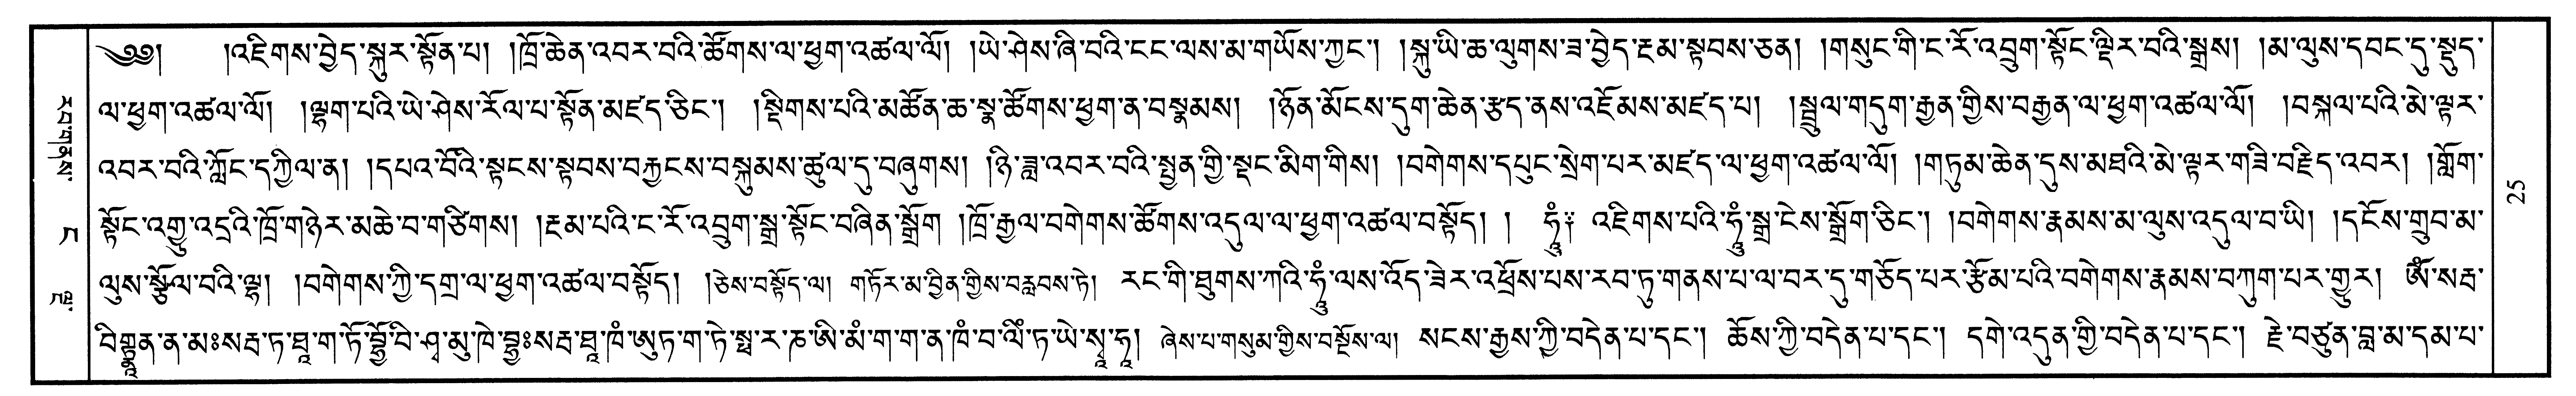༄༅། །འཇིགས་བྱེད་སྐུར་སྟོན་པ། །ཁྲོ་ཆེན་འབར་བའི་ཚོགས་ལ་ཕྱག་འཚལ་ལོ། །ཡེ་ཤེས་ཞི་བའི་ངང་ལས་མ་གཡོས་ཀྱང་། །སྐུ་ཡི་ཆ་ལུགས་ཟ་བྱེད་རྔམ་སྟབས་ཅན། །གསུང་གི་ང་རོ་འབྲུག་སྟོང་ལྡིར་བའི་སྒྲས། །མ་ལུས་དབང་དུ་སྡུད་
ལ་ཕྱག་འཚལ་ལོ། །ལྷག་པའི་ཡེ་ཤེས་རོལ་པ་སྟོན་མཛད་ཅིང་། །སྡིགས་པའི་མཚོན་ཆ་སྣ་ཚོགས་ཕྱག་ན་བསྣམས། །ཉོན་མོངས་དུག་ཆེན་རྩད་ནས་འཇོམས་མཛད་པ། །སྦྲུལ་གདུག་རྒྱན་གྱིས་བརྒྱན་ལ་ཕྱག་འཚལ་ལོ། །བསྐལ་པའི་མེ་ལྟར་
འབར་བའི་ཀློང་དཀྱིལ་ན། །དཔའ་བོའི་སྟངས་སྟབས་བརྐྱངས་བསྐུམས་ཚུལ་དུ་བཞུགས། །ཉི་ཟླ་འབར་བའི་སྤྱན་གྱི་སྡང་མིག་གིས། །བགེགས་དཔུང་སྲེག་པར་མཛད་ལ་ཕྱག་འཚལ་ལོ། །གཏུམ་ཆེན་དུས་མཐའི་མེ་ལྟར་གཟི་བརྗིད་འབར། །གློག་
སྟོང་འགྱུ་འདྲའི་ཁྲོ་གཉེར་མཆེ་བ་གཙིགས། །རྔམ་པའི་ང་རོ་འབྲུག་སྒྲ་སྟོང་བཞིན་སྒྲོག །ཁྲོ་རྒྱལ་བགེགས་ཚོགས་འདུལ་ལ་ཕྱག་འཚལ་བསྟོད། ། ཧཱུཾ༑ འཇིགས་པའི་ཧཱུཾ་སྒྲ་ངེས་སྒྲོག་ཅིང་། །བགེགས་རྣམས་མ་ལུས་འདུལ་བ་ཡི། །དངོས་གྲུབ་མ་
ལུས་སྩོལ་བའི་ལྷ། །བགེགས་ཀྱི་དགྲ་ལ་ཕྱག་འཚལ་བསྟོད། །ཅེས་བསྟོད་ལ། གཏོར་མ་བྱིན་གྱིས་བརླབས་ཏེ། རང་གི་ཐུགས་ཀའི་ཧཱུཾ་ལས་འོད་ཟེར་འཕྲོས་པས་རབ་ཏུ་གནས་པ་ལ་བར་དུ་གཅོད་པར་རྩོམ་པའི་བགེགས་རྣམས་བཀུག་པར་གྱུར། ཨོཾ་སརྦ་
བིགཏྣྰྣ་ན་མཿ སརྦ་ཏ་ཐཱ་ག་ཏོ་བྷྱོ་བི་ཤྭ་མུ་ཁེ་བྷྱཿ སརྦ་ཐཱ་ཁཾ་ཨུཏ་ག་ཏེ་སྥ་ར་ཎ་ཨི་མཾ་ག་ག་ན་ཁཾ་བ་ལིཾ་ཏ་ཡེ་སྭཱ་ཧཱ། ཞེས་པ་གསུམ་གྱིས་བསྔོས་ལ། སངས་རྒྱས་ཀྱི་བདེན་པ་དང་། ཆོས་ཀྱི་བདེན་པ་དང་། དགེ་འདུན་གྱི་བདེན་པ་དང་། རྗེ་བཙུན་བླ་མ་དམ་པ་